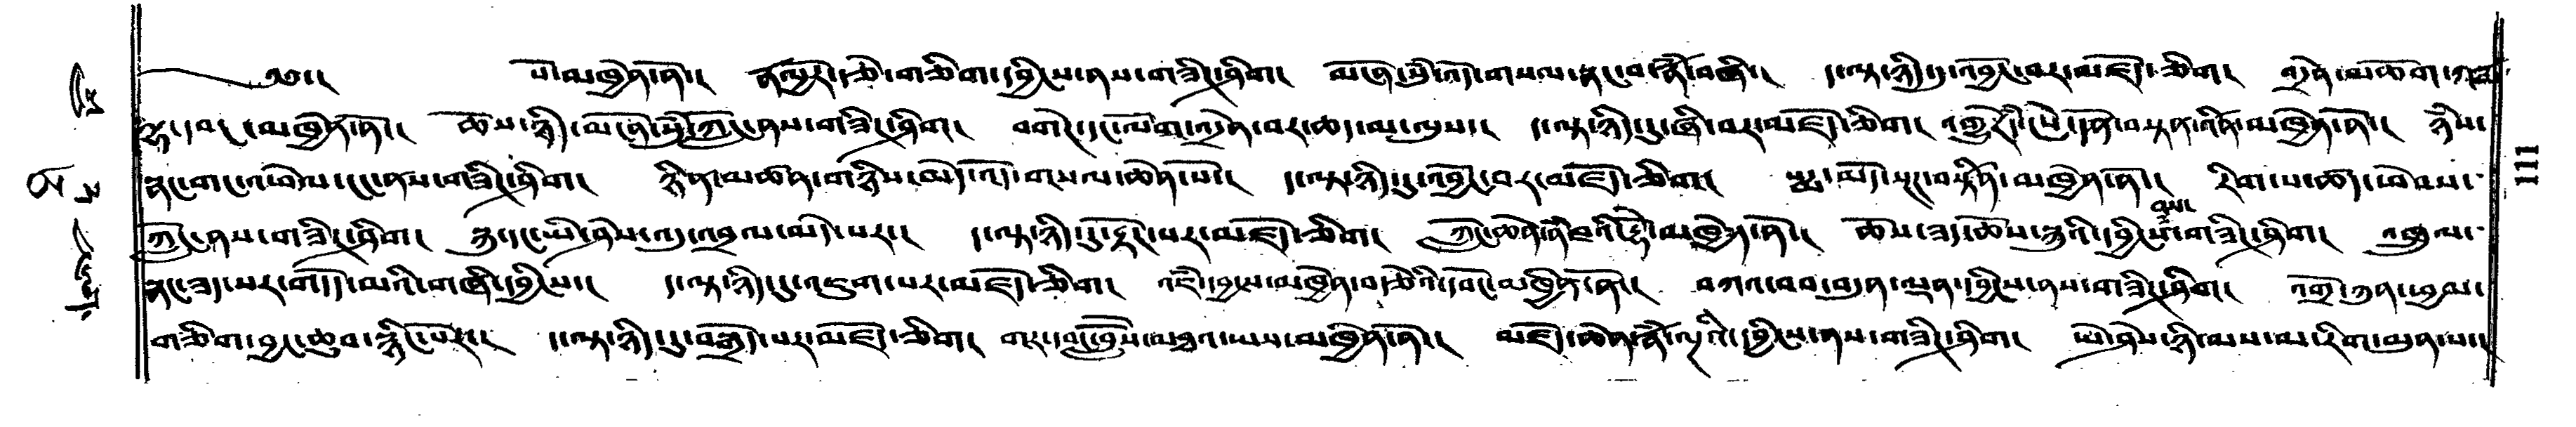པོ་མཁྱེན་ནོ། །རྣལ་འབྱོར་རྩེ་གཅིག་དབྱིངས་ནས་གཟིགས་ཤིག །མངོན་སུམ་འོད་གསལ་སྣང་བ་རྣམ་བཞི། །ད་ལྟ་ཉིད་དུ་འབྱོངས་བར་མཛོད་ཅིག །འདྲེན་མཆོག་ཀརྨ་
ལྷ་དབང་མཁྱེན་ནོ། །ཆོས་ཉིད་མངོན་སུམ་ཀློང་ནས་གཟིགས་ཤིག །བགེགས་དང་ལོག་འདྲེན་བར་ཆད་མ་ལུས། །ད་ལྟ་ཉིད་དུ་ཞི་བར་མཛོད་ཅིག །འགྱུར་མེད་ངེས་དོན་བསྟན་འཛིན་མཁྱེན་ནོ། །ཉམས་
སྣང་གོང་འཕེལ་ངང་ནས་གཟིགས་ཤིག །ཉིན་མཚན་གཉིས་མེད་འོད་གསལ་ཆེན་པོ། །ད་ལྟ་ཉིད་དུ་འབྱོངས་བར་མཛོད་ཅིག །པདྨ་མདོ་སྔགས་བསྟན་འཛིན་མཁྱེན་ནོ། །རིག་པ་ཚད་ཕེབས་
ཀློང་ནས་གཟིགས་ཤིག །སྐུ་དང་ཡེ་ཤེས་འདུ་འབྲལ་མེད་པར། །ད་ལྟ་ཉིད་དུ་རྟོགས་པར་མཛོད་ཅིག །ཀློང་ཆེན་ནམ་མཁའི་རྡོ་རྗེ་མཁྱེན་ནོ། །ཆོས་ཟད་ཆོས་སྐུའི་དབྱིངས་ནས་གཟིགས་ཤིག །འཁྲུལ་
སྣང་ཟད་པར་གདོད་མའི་གཞི་དབྱིངས། །ད་ལྟ་ཉིད་དུ་འཇུག་པར་མཛོད་ཅིག །འཇམ་དབྱངས་མཁྱེན་བརྩེའི་དབང་པོ་མཁྱེན་ནོ། །བཀའ་བབས་བདུན་ལྡན་དབྱིངས་ནས་གཟིགས་ཤིག །འགྲོ་ཀུན་ཕྱམ་
གཅིག་བྱང་ཆུབ་སྙིང་པོར། །ད་ལྟ་ཉིད་དུ་བགྲོད་པར་མཛོད་ཅིག །གར་དབང་བློ་གྲོས་མཐའ་ཡས་མཁྱེན་ནོ། །མཛོད་ཆེན་རྣམ་ལྔའི་དབྱིངས་ནས་གཟིགས་ཤིག།ཡེ་ཤེས་ཉི་མས་མ་རིག་མུན་པ།